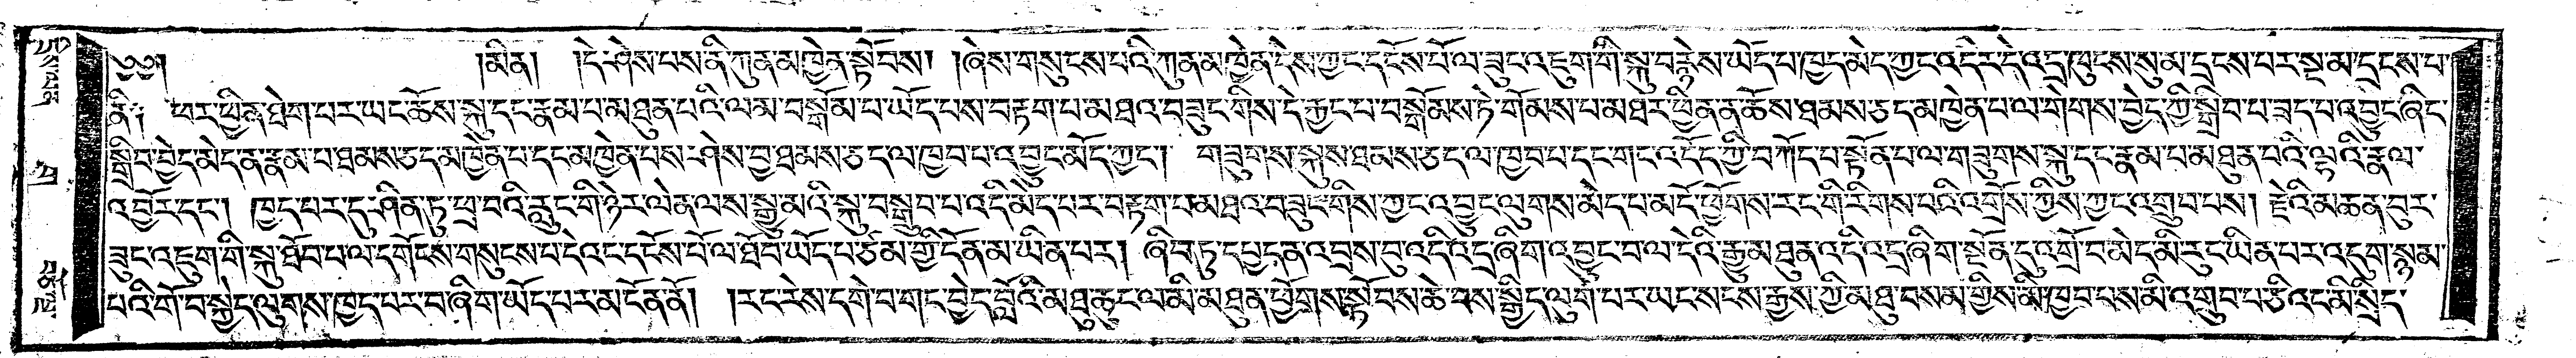༄༅། །མིན། །དེ་ཤེས་པས་ནི་ཀུན་མཁྱེན་སྟོབས། །ཞེས་གསུངས་པའི་ཀུན་མཁྱེན་དེས་ཀྱང་དངོས་པོ་ལ་ཟུང་འཇུག་གི་སྐུ་བརྙེས་ཡོད་པ་ཁྱད་མེད་ཀྱང་འདིར་དེ་འདྲ་ཁུངས་སུ་མ་དྲངས་བར་སྔ་མ་དྲངས་པ་
ནི༑ ཕར་ཕྱིན་ཐེག་པར་ཡང་ཆོས་སྐུ་དང་རྣམ་པ་མཐུན་པའི་ལམ་བསྒོམ་པ་ཡོད་པས་བརྟག་པ་མཐའ་བཟུང་གིས་དེ་རྐྱང་པ་བསྒོམས་ཏེ་གོམས་པ་མཐར་ཕྱིན་ན་ཆོས་ཐམས་ཅད་མཁྱེན་པ་ལ་གེགས་བྱེད་ཀྱི་སྒྲིབ་པ་ཟད་པ་འབྱུང་ཞིང་
སྒྲིབ་བྱེད་མེད་ན་རྣམ་པ་ཐམས་ཅད་མཁྱེན་པ་དང་མཁྱེན་པས་ཤེས་བྱ་ཐམས་ཅད་ལ་ཁྱབ་པ་འབྱུང་མོད་ཀྱང་། གཟུགས་སྐུས་ཐམས་ཅད་ལ་ཁྱབ་པ་དང་གང་འདོད་ཀྱི་བཀོད་པ་སྟོན་པ་ལ་གཟུགས་སྐུ་དང་རྣམ་པ་མཐུན་པའི་ལྷའི་རྣལ་
འབྱོར་དང་། ཁྱད་པར་དུ་ཤིན་ཏུ་ཕྲ་བའི་རླུང་གི་ཉེར་ལེན་ལས་སྒྱུ་མའི་སྐུ་བསྒྲུབ་པ་འདི་མེད་པར་བརྟག་པ་མཐའ་བཟུང་གིས་ཀྱང་འབྱུང་ལུགས་མེད་པ་མདོ་ཕྱོགས་རང་གི་རིགས་པའི་འགྲོས་ཀྱིས་ཀྱང་འགྲུབ་པས། རྗེའི་མཆན་བུར་
ཟུང་འཇུག་གི་སྐུ་ཐོབ་པ་ལ་དགོངས་གསུངས་པ་དེའང་དངོས་པོ་ལ་ཐོབ་ཡོད་པ་ཙམ་གྱི་དོན་མ་ཡིན་པར། ཞིབ་ཏུ་དཔྱད་ན་འབྲས་བུ་འདི་འདྲ་ཞིག་འབྱུང་བ་ལ་དེའི་རྒྱུ་མཐུན་འདི་འདྲ་ཞིག་སྔོན་དུ་འགྲོ་བ་མེད་མི་རུང་ཡིན་པར་འདུག་སྙམ་
པའི་གོ་བསྐྱེད་ལུགས་ཁྱད་པར་བཞིག་ཡོད་པར་མངོན་ནོ། །རང་རེས་དགེ་བ་གང་བྱེད་བློའི་མཐུ་ཆུང་ལ་མི་མཐུན་ཕྱོགས་སྟོབས་ཆེ་བས་སྒྱིད་ལུག་པར་ཡང་སངས་རྒྱས་ཀྱི་མཐུ་བསམ་གྱིས་མི་ཁྱབ་བས་མི་འགྲུབ་པ་ཅིའང་མི་སྲིད་